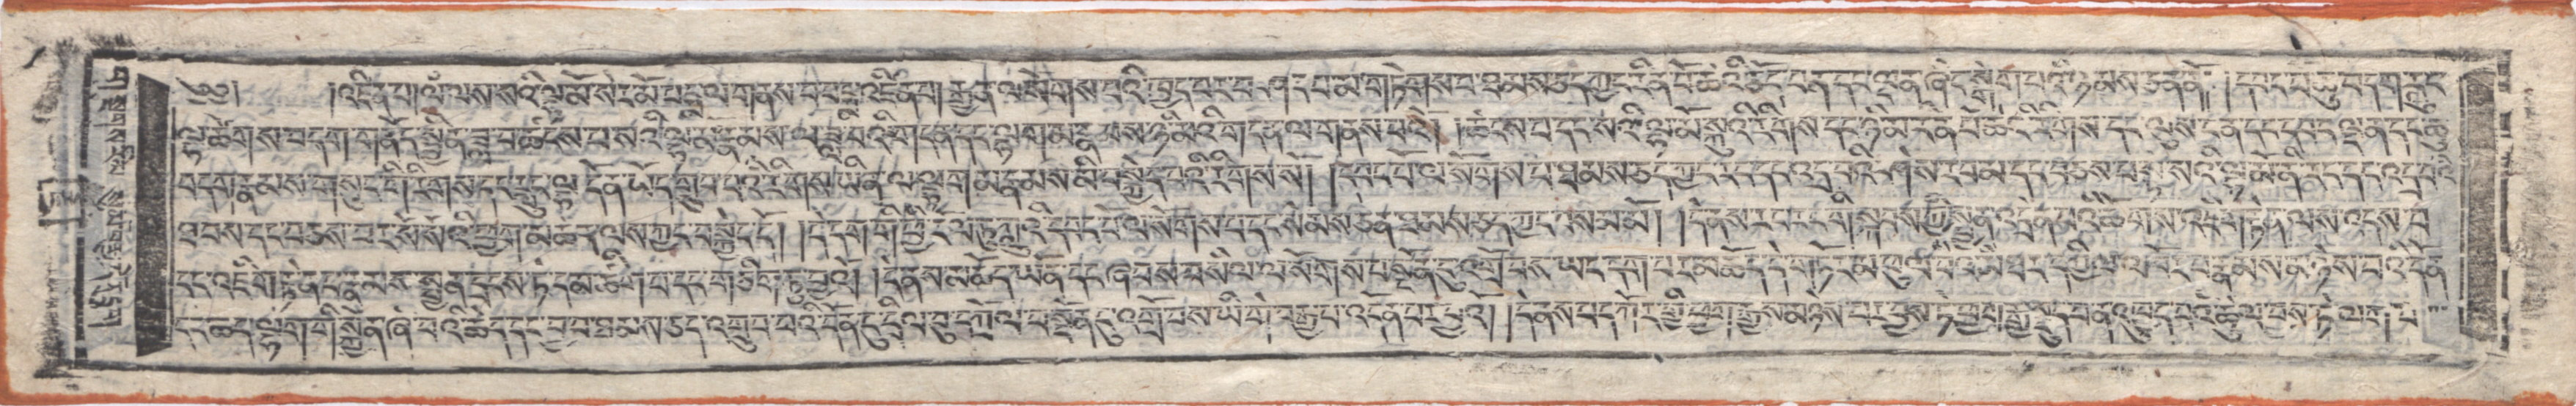༄༅། །འཛིན་པ། ལམ་ལས་སའི་ལྷ་མོ་སེར་མོ་པདམ་ལ་གནས་པ་པདམ་འཛིན་པ། རྒྱན་ལ་སོགས་པའི་ཁྱད་པར་བཤད་པ་མ་གཏོགས་པ་ཐམས་ཅད་ཀྱང་རིན་པོ་ཆེའི་ཅོད་པན་དང་ལྡན་ཞིང་སྒོག་པའི་ཉམས་ཅན་ནོ། །དབང་པོ་ཆུ་བདག་རླུང་
ལྷ་ཚོགས་བདག་གནོད་སྦྱིན་ཟླ་བ་ཚངས་པ་སའི་ལྷ་མོ་རྣམས་ལ་ཟླ་བའི་གདན་དང་ལྷག་མ་རྣམས་ཉི་མའི་གདན་ལ་གནས་པའོ། །ཚངས་པ་དང་སའི་ལྷ་མོ་སྐུའི་རིགས་དང་ཉི་མ་རིན་པོ་ཆེའི་རིགས་དང་ལུས་ངན་དང་དབང་ལྡན་དང་ཆུ་
བདག་རྣམས་གསུང་གི་རིགས་དང་རླུང་ལྷ་དོན་ཡོད་གྲུབ་པའི་རིགས་ཡིན་ལ་ལྷག་མ་རྣམས་མི་བསྐྱོད་པའི་རིགས་སོ། །དབང་པོ་ལ་སོགས་པ་ཐམས་ཅད་ཀྱང་རང་དང་འདྲ་བའི་ཤེས་རབ་མ་དང་བཅས་པ་སྟེ་སའི་ལྷ་མོ་ནི་རང་དང་འདྲ་བའི་
ཐབས་དང་བཅས་པར་སོ་སོའི་ཕྱག་མཚན་ལས་ཀྱང་བསྐྱེད་དོ། །དེ་དག་གི་ཕྱི་རོལ་ཏུ་ཀླུའི་དབང་པོ་ལ་སོགས་པ་དང་སེམས་ཅན་ཐམས་ཅད་ཀྱང་བསམ་མོ། །དེ་ནས་རང་རང་གི་སྐབས་ཀྱི་སྤྱན་འདྲེན་པའི་ཚོགས་འཇིག་རྟེན་ལས་འདས་པ་
དང་འཇིག་རྟེན་པ་རྣམས་སྤྱན་དྲངས་ཏེ་དམ་ཚིག་པ་དང་གཅིག་ཏུ་བྱའོ། །དེ་ནས་མཆོད་ཡོན་དང་ཞབས་བསིལ་ལ་སོགས་པ་སྔོན་དུ་འགྲོ་བས་ཡང་དག་པར་མཆོད་དེ་གཏོར་མ་ཕུལ་བའི་མཐར་དཀྱིལ་འཁོར་བ་རྣམས་མཉེས་པའི་དོན་
དང་ཆད་ལྷག་གི་སྐྱོན་ཞེ་བའི་ཆེད་དང་བྱ་བ་ཐམས་ཅད་འགྲུབ་པའི་དོན་དུ་དྲིལ་བུ་དཀྲོལ་བ་སྔོན་དུ་འགྲོ་བས་ཡི་གེ་བརྒྱ་པ་འདོན་པར་བྱའོ། །དེ་ནས་བད་ཀོར་གྱི་ཕྱག་རྒྱས་མཉེས་པར་བྱས་ཏེ་ཕྱག་རྒྱ་སྡུད་པ་ན་འཁྱུད་པའི་ཚུལ་བྱས་ཏེ་ལག་པ་